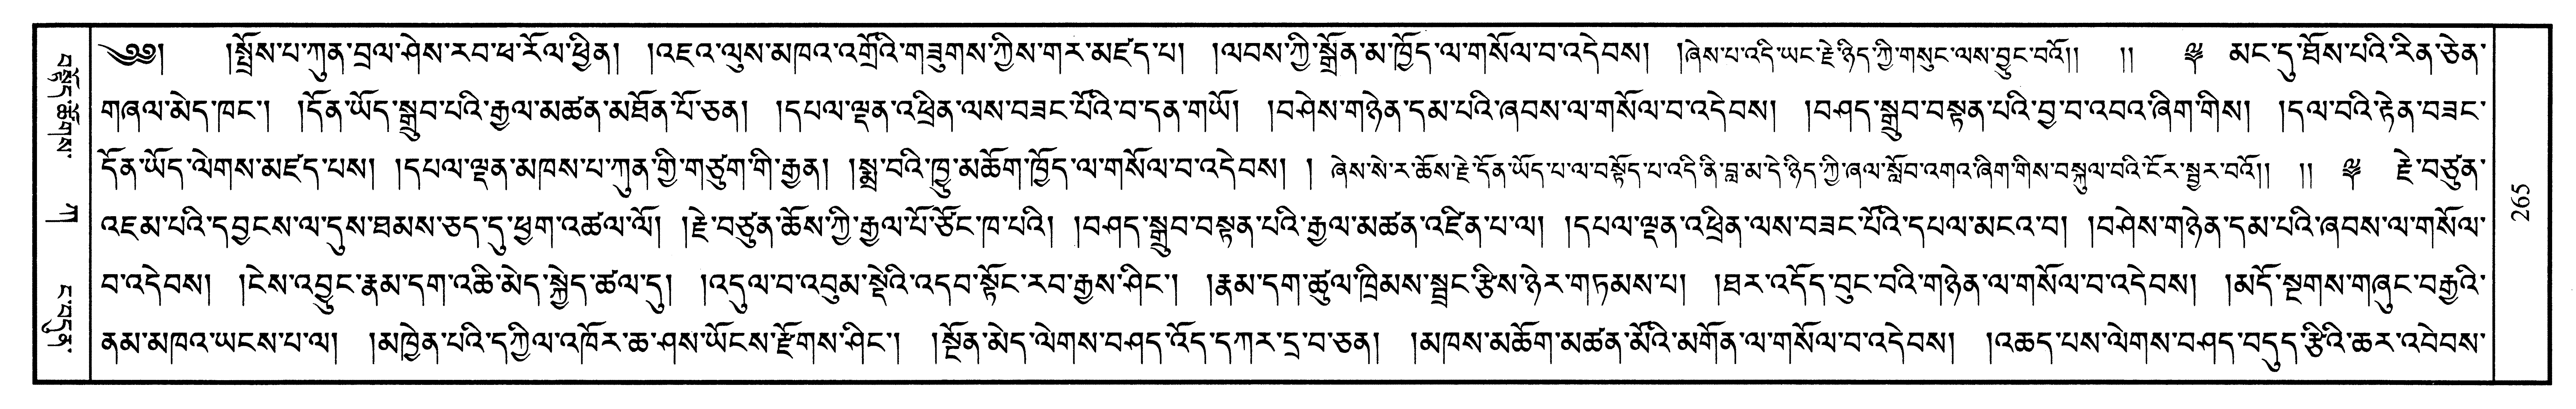༄༅། །སྤྲོས་པ་ཀུན་བྲལ་ཤེས་རབ་ཕ་རོལ་ཕྱིན། །འཇའ་ལུས་མཁའ་འགྲོའི་གཟུགས་ཀྱིས་གར་མཛད་པ། །ལབས་ཀྱི་སྒྲོན་མ་ཁྱོད་ལ་གསོལ་བ་འདེབས། །ཞེས་པ་འདི་ཡང་རྗེ་ཉིད་ཀྱི་གསུང་ལས་བྱུང་བའོ།། །། ༈ མང་དུ་ཐོས་པའི་རིན་ཅེན་
གཞལ་མེད་ཁང་། །དོན་ཡོད་སྒྲུབ་པའི་རྒྱལ་མཚན་མཐོན་པོ་ཅན། །དཔལ་ལྡན་འཕྲིན་ལས་བཟང་པོའི་བ་དན་གཡོ། །བཤེས་གཉེན་དམ་པའི་ཞབས་ལ་གསོལ་བ་འདེབས། །བཤད་སྒྲུབ་བསྟན་པའི་བྱ་བ་འབའ་ཞིག་གིས། །དལ་བའི་རྟེན་བཟང་
དོན་ཡོད་ལེགས་མཛད་པས། །དཔལ་ལྡན་མཁས་པ་ཀུན་གྱི་གཙུག་གི་རྒྱན། །སྨྲ་བའི་ཁྱུ་མཆོག་ཁྱོད་ལ་གསོལ་བ་འདེབས། །ཞེས་སེ་ར་ཆོས་རྗེ་དོན་ཡོད་པ་ལ་བསྟོད་པ་འདི་ནི་བླ་མ་དེ་ཉིད་ཀྱི་ཞལ་སློབ་འགའ་ཞིག་གིས་བསྐུལ་བའི་ངོར་སྦྱར་བའོ།། །། ༈ རྗེ་བཙུན་
འཇམ་པའི་དབྱངས་ལ་དུས་ཐམས་ཅད་དུ་ཕྱག་འཚལ་ལོ། །རྗེ་བཙུན་ཆོས་ཀྱི་རྒྱལ་པོ་ཙོང་ཁ་པའི། །བཤད་སྒྲུབ་བསྟན་པའི་རྒྱལ་མཚན་འཛིན་པ་ལ། །དཔལ་ལྡན་འཕྲིན་ལས་བཟང་པོའི་དཔལ་མངའ་བ། །བཤེས་གཉེན་དམ་པའི་ཞབས་ལ་གསོལ་
བ་འདེབས། །ངེས་འབྱུང་རྣམ་དག་འཆི་མེད་སྐྱེད་ཚལ་དུ། །འདུལ་བ་འབུམ་སྡེའི་འདབ་སྟོང་རབ་རྒྱས་ཤིང་། །རྣམ་དག་ཚུལ་ཁྲིམས་སྦྲང་རྩིས་ཉེར་གཏམས་པ། །ཐར་འདོད་བུང་བའི་གཉེན་ལ་གསོལ་བ་འདེབས། །མདོ་སྔགས་གཞུང་བརྒྱའི་
ནམ་མཁའ་ཡངས་པ་ལ། །མཁྱེན་པའི་དཀྱིལ་འཁོར་ཆ་ཤས་ཡོངས་རྫོགས་ཤིང་། །སྔོན་མེད་ལེགས་བཤད་འོད་དཀར་དྲ་བ་ཅན། །མཁས་མཆོག་མཚན་མོའི་མགོན་ལ་གསོལ་བ་འདེབས། །འཆད་པས་ལེགས་བཤད་བདུད་རྩིའི་ཆར་འབེབས་